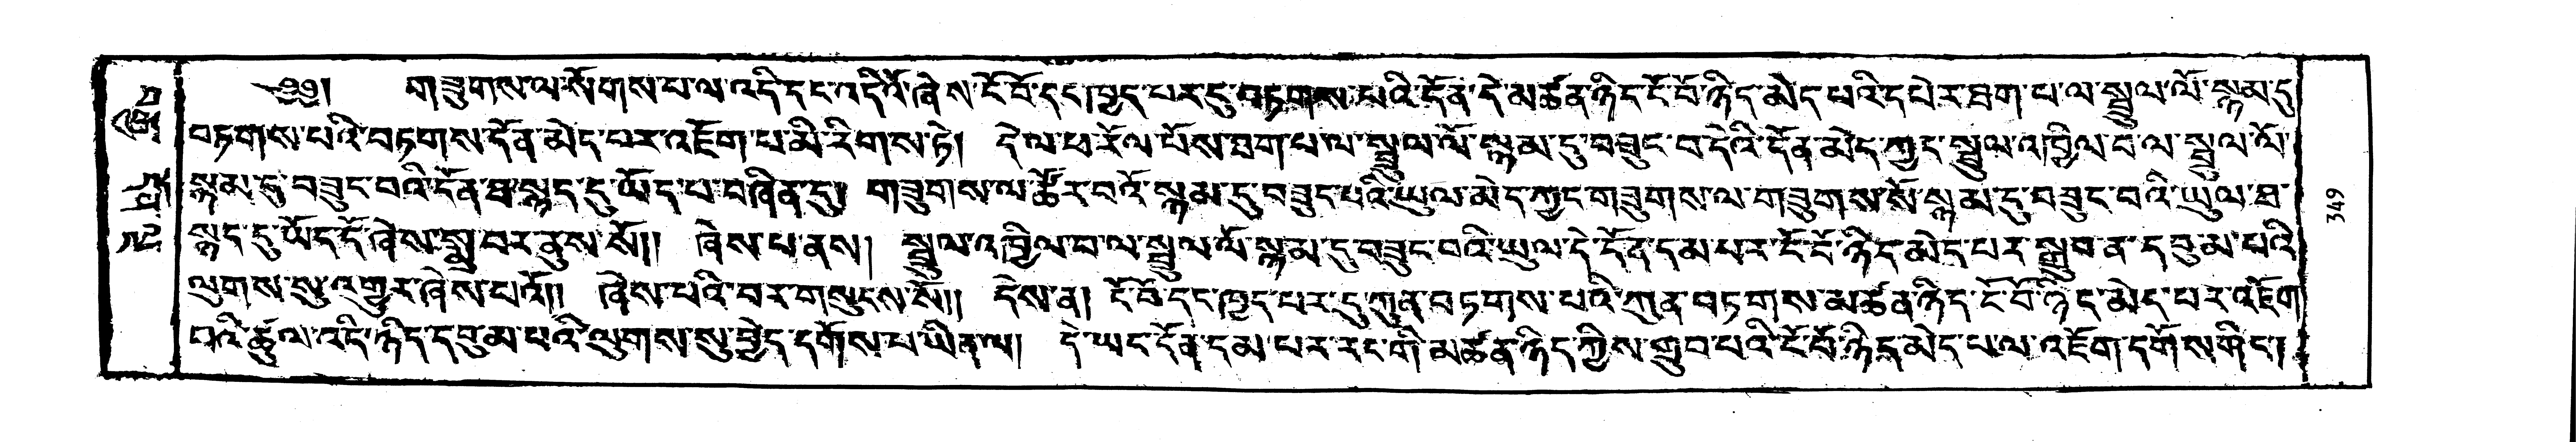༄༅། །གཟུགས་ལ་སོགས་པ་ལ་འདི་དང་འདིའོ་ཞེས་ངོ་བོ་དང་ཁྱད་པར་དུ་བཏགས་པའི་དོན་དེ་མཚན་ཉིད་ངོ་བོ་ཉིད་མེད་པའི་དཔེར་ཐག་པ་ལ་སྦྲུལ་ལོ་སྙམ་དུ་
བཏགས་པའི་བཏགས་དོན་མེད་པར་འཇོག་པ་མི་རིགས་ཏེ། དེ་ལ་ཕ་རོལ་པོས་ཐག་པ་ལ་སྦྲུལ་ལོ་སྙམ་དུ་བཟུང་བ་དེའི་དོན་མེད་ཀྱང་སྦྲུལ་འཁྱིལ་བ་ལ་སྦྲུལ་ལོ་
སྙམ་དུ་བཟུང་བའི་དོན་ཐ་སྙད་དུ་ཡོད་པ་བཞིན་དུ། གཟུགས་ལ་ཚོར་བའོ་སྙམ་དུ་བཟུང་བའི་ཡུལ་མེད་ཀྱང་གཟུགས་ལ་གཟུགས་སོ་སྙམ་དུ་བཟུང་བའི་ཡུལ་ཐ་
སྙད་དུ་ཡོད་དོ་ཞེས་སྨྲ་པར་ནུས་སོ། །ཞེས་པ་ནས། སྦྲུལ་འཁྱིལ་བ་ལ་སྦྲུལ་ལོ་སྙམ་དུ་བཟུང་བའི་ཡུལ་དེ་དོན་དམ་པར་ངོ་བོ་ཉིད་མེད་པར་སྒྲུབ་ན་དབུ་མ་པའི་
ལུགས་སུ་འགྱུར་ཞེས་པའོ། །ཞེས་པའི་བར་གསུངས་སོ། །དེས་ན། ངོ་བོ་དང་ཁྱད་པར་དུ་ཀུན་བཏགས་པའི་ཀུན་བཏགས་མཚན་ཉིད་ངོ་བོ་ཉིད་མེད་པར་འཇོག་
པའི་ཚུལ་འདི་ཉིད་དབུ་མ་པའི་ལུགས་སུ་བྱེད་དགོས་པ་ཡིན་ལ། དེ་ཡང་དོན་དམ་པར་རང་གི་མཚན་ཉིད་ཀྱིས་གྲུབ་པའི་ངོ་བོ་ཉིད་མེད་པ་ལ་འཇོག་དགོས་ཤིང་།